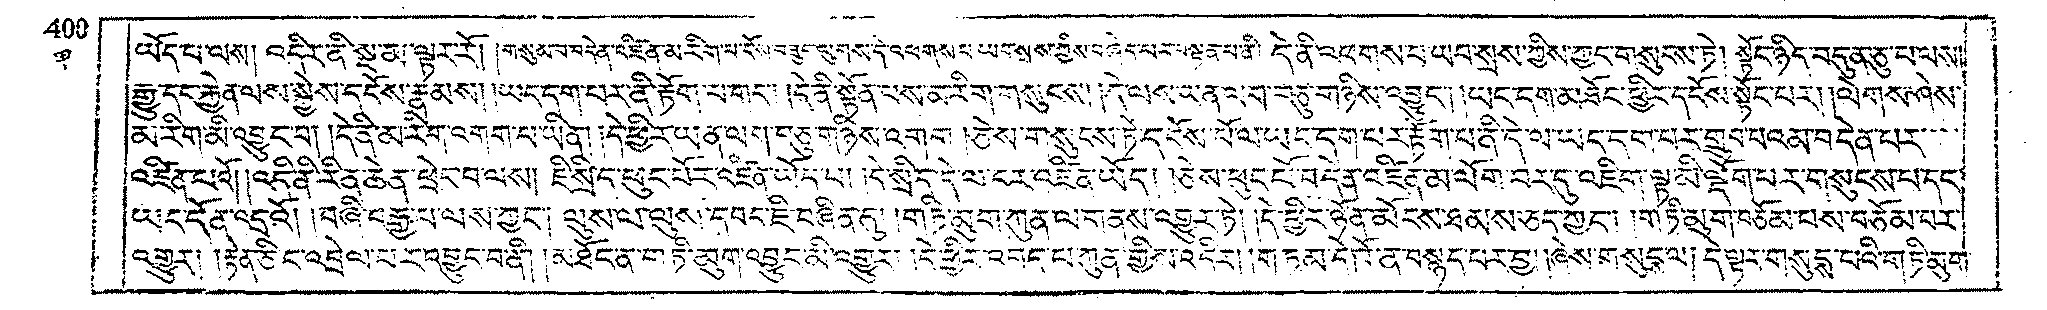ཡོད་པ་ལས། འདིར་ནི་སྔ་མ་ལྟར་རོ། །གསུམ་པ་བདེན་འཛིན་མ་རིག་པ་ངོས་བཟུང་ལུགས་དེ་འཕགས་པ་ཡབ་སྲས་ཀྱིས་བཞེད་པར་བསྟན་པ་ནི།  དེ་ནི་འཕགས་པ་ཡབ་སྲས་ཀྱིས་ཀྱང་གསུངས་ཏེ། སྟོང་ཉིད་བདུན་ཅུ་པ་ལས།
རྒྱུ་དང་རྐྱེན་ལས་སྐྱེས་དངོས་རྣམས། །ཡང་དག་པར་ནི་རྟོག་པ་གང་། །དེ་ནི་སྟོན་པས་མ་རིག་གསུངས། །དེ་ལས་ཡན་ལག་བཅུ་གཉིས་འབྱུང་། །ཡང་དག་མཐོང་ཕྱིར་དངོས་སྟོང་པར། །ལེགས་ཤེས་
མ་རིག་མི་འབྱུང་བ། །དེ་ནི་མ་རིག་འགག་པ་ཡིན། །དེ་ཕྱིར་ཡན་ལག་བཅུ་གཉིས་འགག །ཅེས་གསུངས་ཏེ་དངོས་པོ་ལ་ཡང་དག་པར་རྟོག་པ་ནི་དེ་ལ་ཡང་དག་པར་གྲུབ་པའམ་བདེན་པར་
འཛིན་པའོ། །འདི་ནི་རིན་ཆེན་ཕྲེང་བ་ལས། ཇི་སྲིད་ཕུང་པོར་འཛིན་ཡོད་པ། །དེ་སྲིད་དེ་ལ་ངར་འཛིན་ཡོད། །ཅེས་ཕུང་པོ་བདེན་འཛིན་མ་ལོག་བར་དུ་འཇིག་ལྟ་མི་ལྡོག་པར་གསུངས་པ་དང་
ཡང་དོན་འདྲའོ། །བཞི་བརྒྱ་པ་ལས་ཀྱང་། ལུས་ལ་ལུས་དབང་ཇི་བཞིན་དུ། །གཏི་མུག་ཀུན་ལ་གནས་འགྱུར་ཏེ། །དེ་ཕྱིར་ཉོན་མོངས་ཐམས་ཅད་ཀྱང་། །གཏི་མུག་བཅོམ་པས་བཅོམ་པར་
འགྱུར། །རྟེན་ཅིང་འབྲེལ་པར་འབྱུང་བ་ནི། །མཐོང་ན་གཏི་མུག་འབྱུང་མི་འགྱུར། །དེ་ཕྱིར་འབད་པ་ཀུན་གྱིས་འདིར། །གཏམ་དེ་ཁོ་ན་བསྙད་པར་བྱ། །ཞེས་གསུངས་ལ། དེ་ལྟར་གསུངས་པའི་གཏི་མུག་